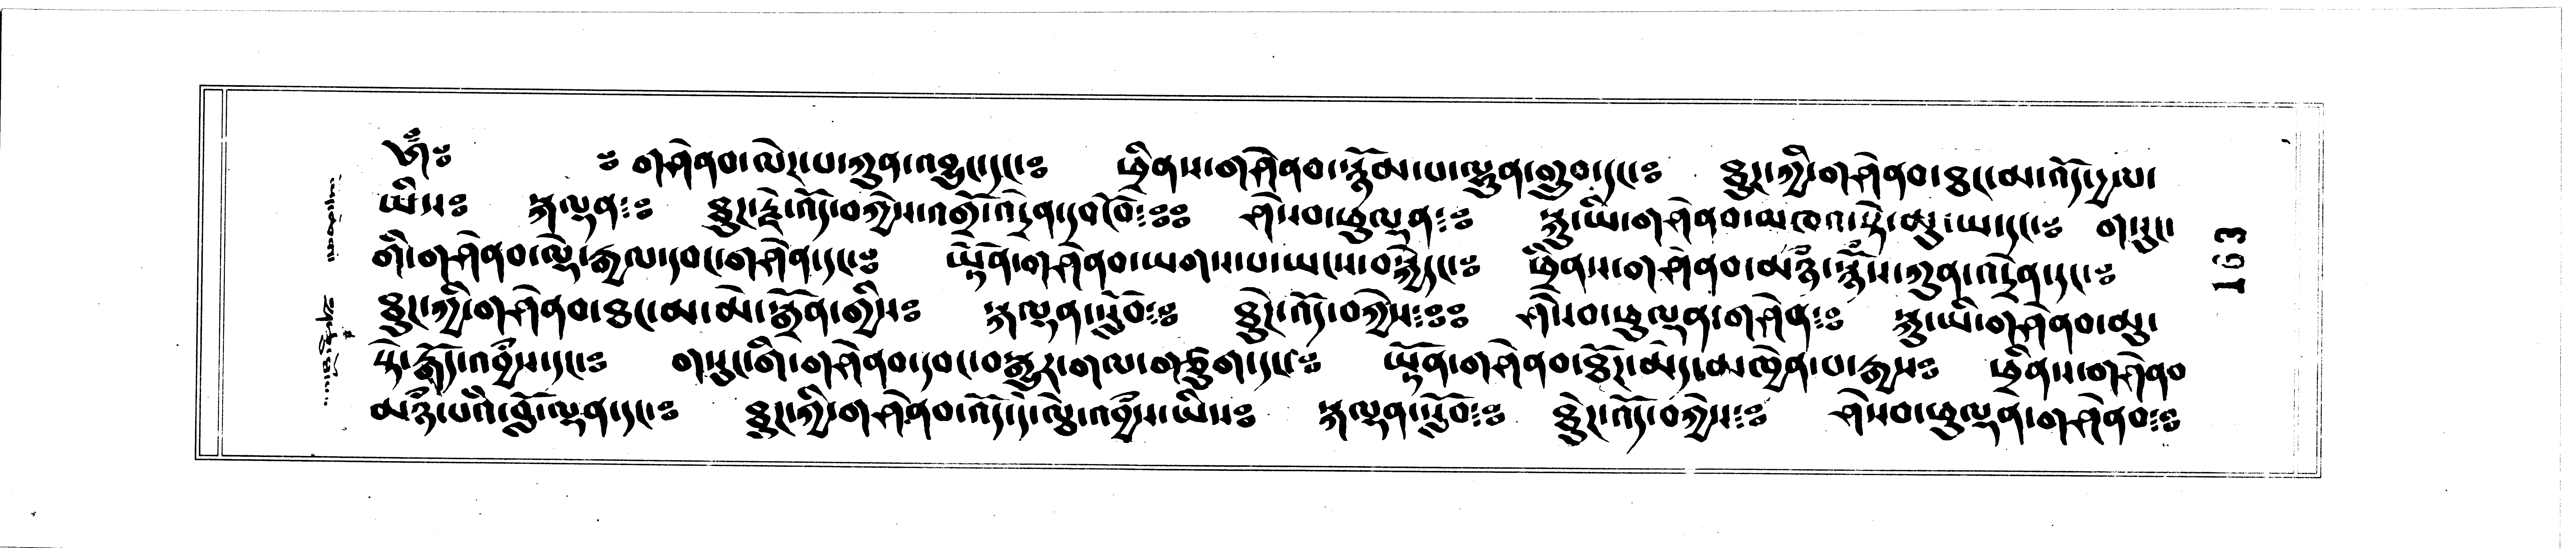གཤེན་རབ་ལེགས་པ་ཀུན་འབྱུང་དངཿ ཕྲིན་ལས་ཀྱི་གཤེན་རབ་སྙོམས་པ་ལྷུན་གྲུབ་དངཿ ཐུགས་ཀྱི་གཤེན་རབ་ཐང་མ་འོད་རྒྱལ་
ཡིསཿ སྐལ་ལྡན་སློབ་མ་རྣམས་ལ་དབང་བསྐུར་བསཿ ཐུགས་རྗེ་འོད་བཀྱེས་འགྲོ་འདྲེན་དབང་ཐོབ་ཤོགཿ ཤེས་རབ་ཕུལ་ལྡན་གཤེན་རབ་འོད་ཟེར་ལསཿསྐུ་ཡི་གཤེན་རབ་མཁའ་ཏེ་མུ་ཡ་དངཿ གསུང་
གི་གཤེན་རབ་ལྡེ་རྒྱལ་དབང་གཤེན་དངཿ ཡོན་ཏན་གཤེན་རབ་ཡག་པ་ཡོངས་བསྐྱེད་དངཿ ཕྲིན་ལས་ཀྱི་གཤེན་རབ་མཉམ་སྙོམ་ཀུན་འདྲེན་དངཿ 
ཐུགས་ཀྱི་གཤེན་རབ་ཐང་མ་མེ་སྒྲོན་ཡིསཿ སྐལ་ལྡན་སློབ་མ་རྣམས་ལ་དབང་བསྐུར་བསཿ ཐུགས་རྗེ་འོད་བཀྱེས་འགྲོ་འདྲེན་དབང་ཐོབ་ཤོགཿ ཤེས་རབ་ཕུལ་ལྡན་གཤེན་རབ་འོད་ཟེར་ལསཿ སྐུ་ཡི་གཤེན་རབ་མུ་
སྟེ་རྒོད་འབྱམས་དངཿ གསུང་གི་གཤེན་རབ་ལ་དབང་སྒྱུར་གལ་གཙུག་དངཿ ཡོན་ཏན་གྱི་གཤེན་རབ་ཐོགས་མེད་མཁྱེན་རྒྱསཿ ཕྲིན་ལས་ཀྱི་གཤེན་རབ་
མཉམ་པའི་བློ་ལྡན་དངཿ ཐུགས་ཀྱི་གཤེན་རབ་འོད་དེ་ལྕེ་འབྱམས་ཡིསཿ སྐལ་ལྡན་སློབ་མ་རྣམས་ལ་དབང་བསྐུར་བསཿ ཐུགས་རྗེ་འོད་བཀྱེས་འགྲོ་འདྲེན་དབང་ཐོབ་ཤོགཿ ཤེས་རབ་ཕུལ་ལྡན་གཤེན་རབ་འོད་ཟེར་ལསཿ